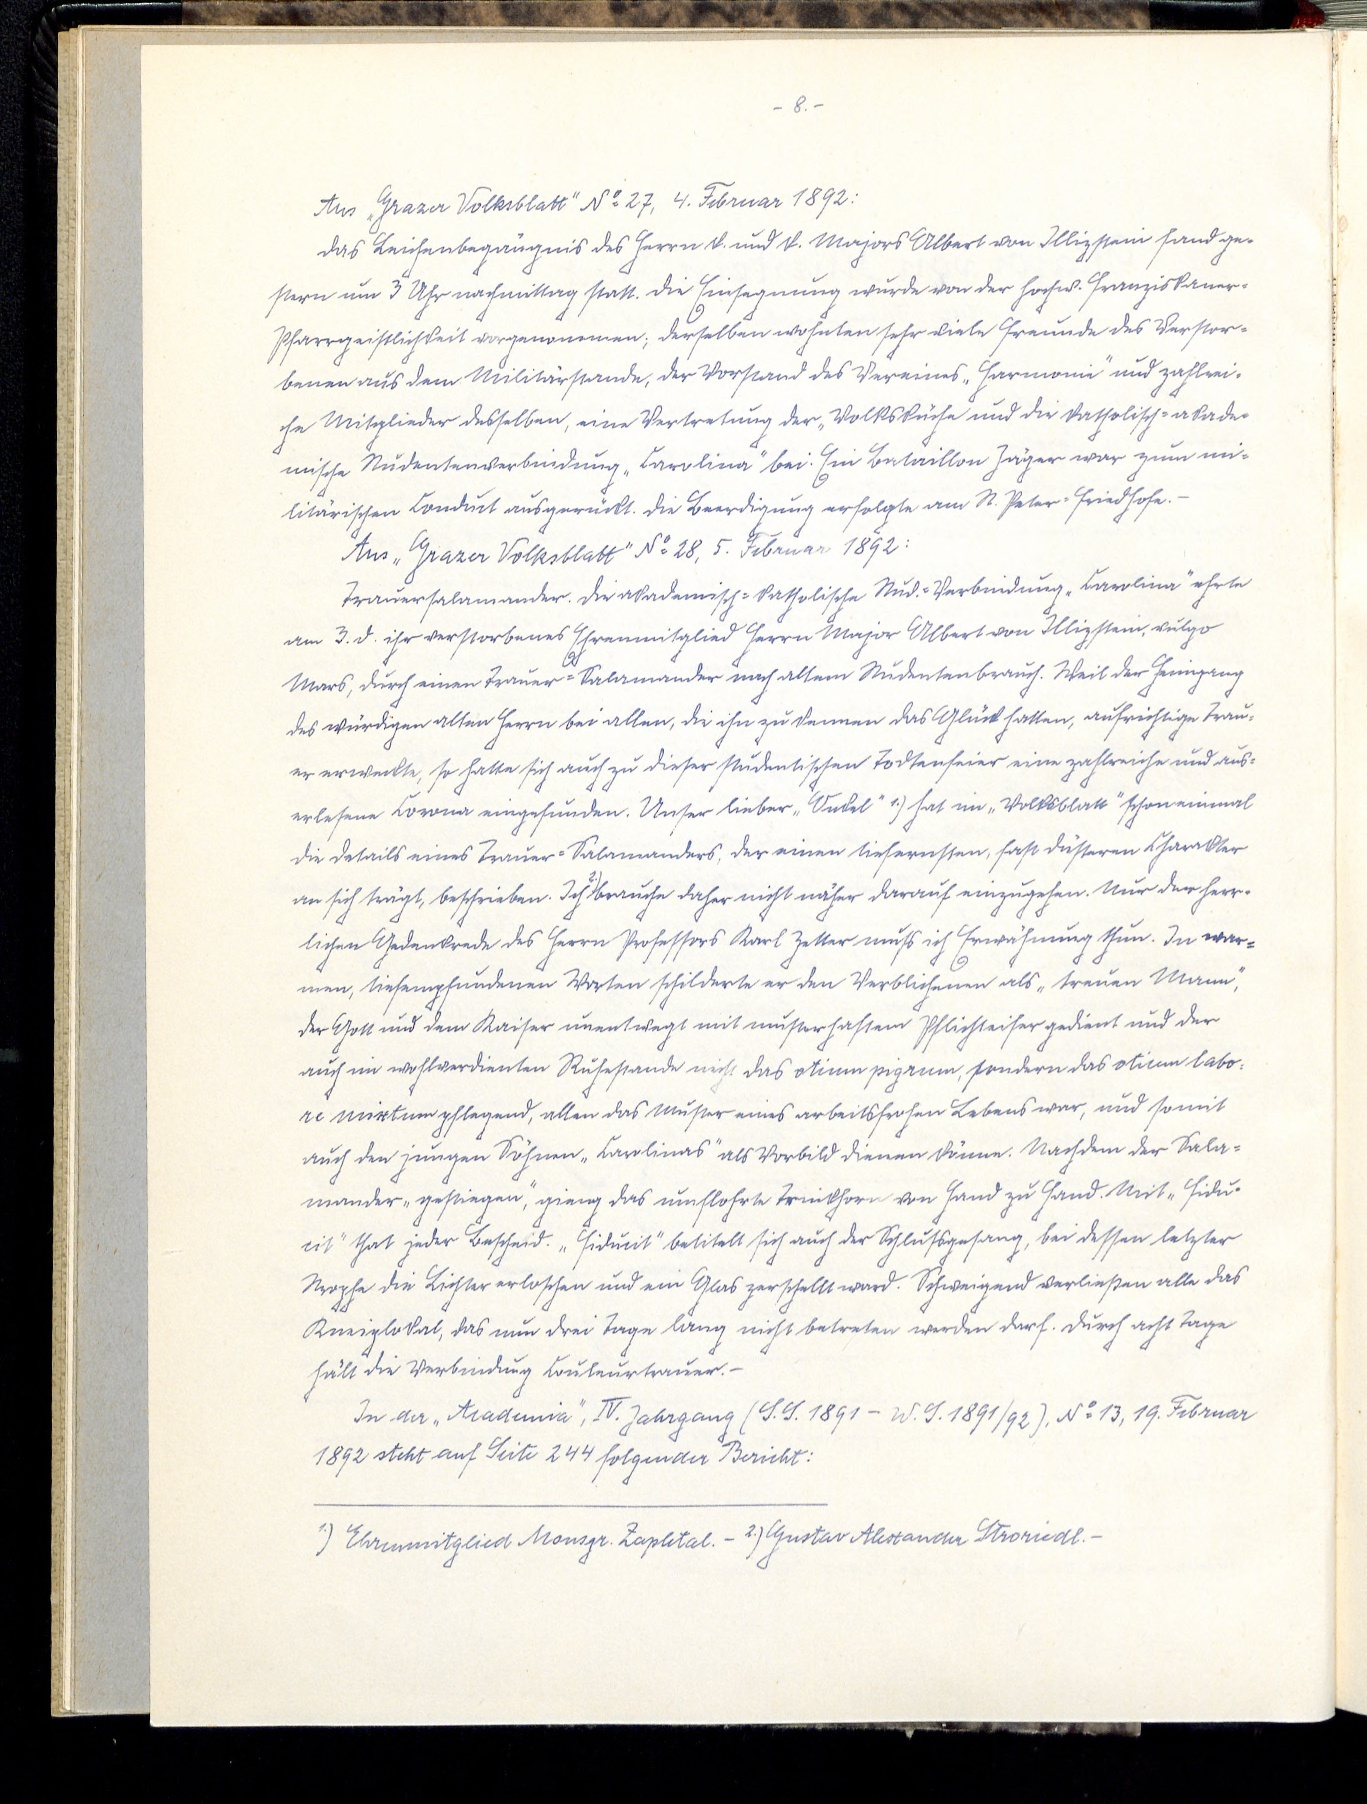-8.-
Aus "Grazer Volksblatt" Nr. 27, 4. Gebruar 1892:
Das Leichenbegräpnis des Herrn k. und k. Majors Albert von Illizstein fand ge-
stern um 3 Uhr nachmittag statt. Die Einsegnung wurde von der hochw. Franziskaner-
Pfarrgeistlichkeit vorgenommen; derselben wohnten sehr viele Freunde des Verstor-
benen aus dem Militärstande, der Vorstand des Vereines "Harmonie" und zahlrei-
che Mitglieder desselben, wie Vertretung der "Volksbühne" und die katholisch-akade-
mische Studentenverbindung "Carolina" bei: Ein Bataillon Jäger war zum mi-
litärischen Conduct ausgerückt. Die Beerdigung erfolgte am St. Peter-Friedhofe. -
Aus "Grazer Volksblatt" Nr. 28, 5. Februar 1892:
Trauersalamander der akademisch-katholischee Stud.-Verbindung "Carolina" ehrte
am 3. d. ihr verstorbenes Ehrenmitglied Herrn Major Albert von Illizstein, vulog
Mars, durch einen Trauer-Salamander nach altem Studentenbrauch. Weil der Heimgang
des würdigen alten Herrn bei allen, die ihn zu kennen das Glück hatten, aufrichtige Trau-
er erweckte, so hatte sich auch zu dieser studentischen Totenfeier eine zahlreiche und aus-
erlesene xxx eingefunden. Unser lieber "xxx"1.) hat im "Volksblatt" schon einmal
die Details eines Trauer-Salamanders der einen tiefersten, fast düsteren Charakter
an sich trägt, beschrieben. Ich2.) brauche daher nicht mehr darauf einzugehen. Nur der herr-
lichen Gedenkrunde des Herrn Professors Kalr Zetter muss ich Erwähnung thun. In war-
men, tiefempfundenen Worten schilderte er den Verblichenen als "treuene Mann",
der Gott und dem Kaiser unentwegt mit musterhaftem Pflichteifer gedient und der
auch im wohlverdienten Ruhestande nicht das otium pigrum, sondern das otium labo-
re mixtum pfelegend, allen das Muster eines arbeitsfrohen Lebens war, und somit
auch der jungen XXX "Carolinas" als Vorbild dienen könne. Nachdem der Sala-
mander "gestiegen", gieng das umflohrte Trinkhorn von Freund zu Freund. Mit "Fidu-
cit" that jeder Bescheid. "Fiducit" betitelt sich auch der Schlussgesang, bei dessen letzter
Strophe die Lichter erloschen und ein Glas zerschellt wurd. Schweigend verließen alle das
Kneiplokal, das nun drei Tage lang nicht betreten werden darf. Durch acht Tage
hält die Verbindung Couleurtrauer. -
In der "Academia", IV. Jahrgang (S. S. 1891-W. S. 1891/92), Nr. 13, 19. Februar
1892 steht auf Seite 244 folgender Bericht:
1.) Ehrenmitglied Monsgr. Zapletal. - 2.) Gustav Alexander Stroriedl.-